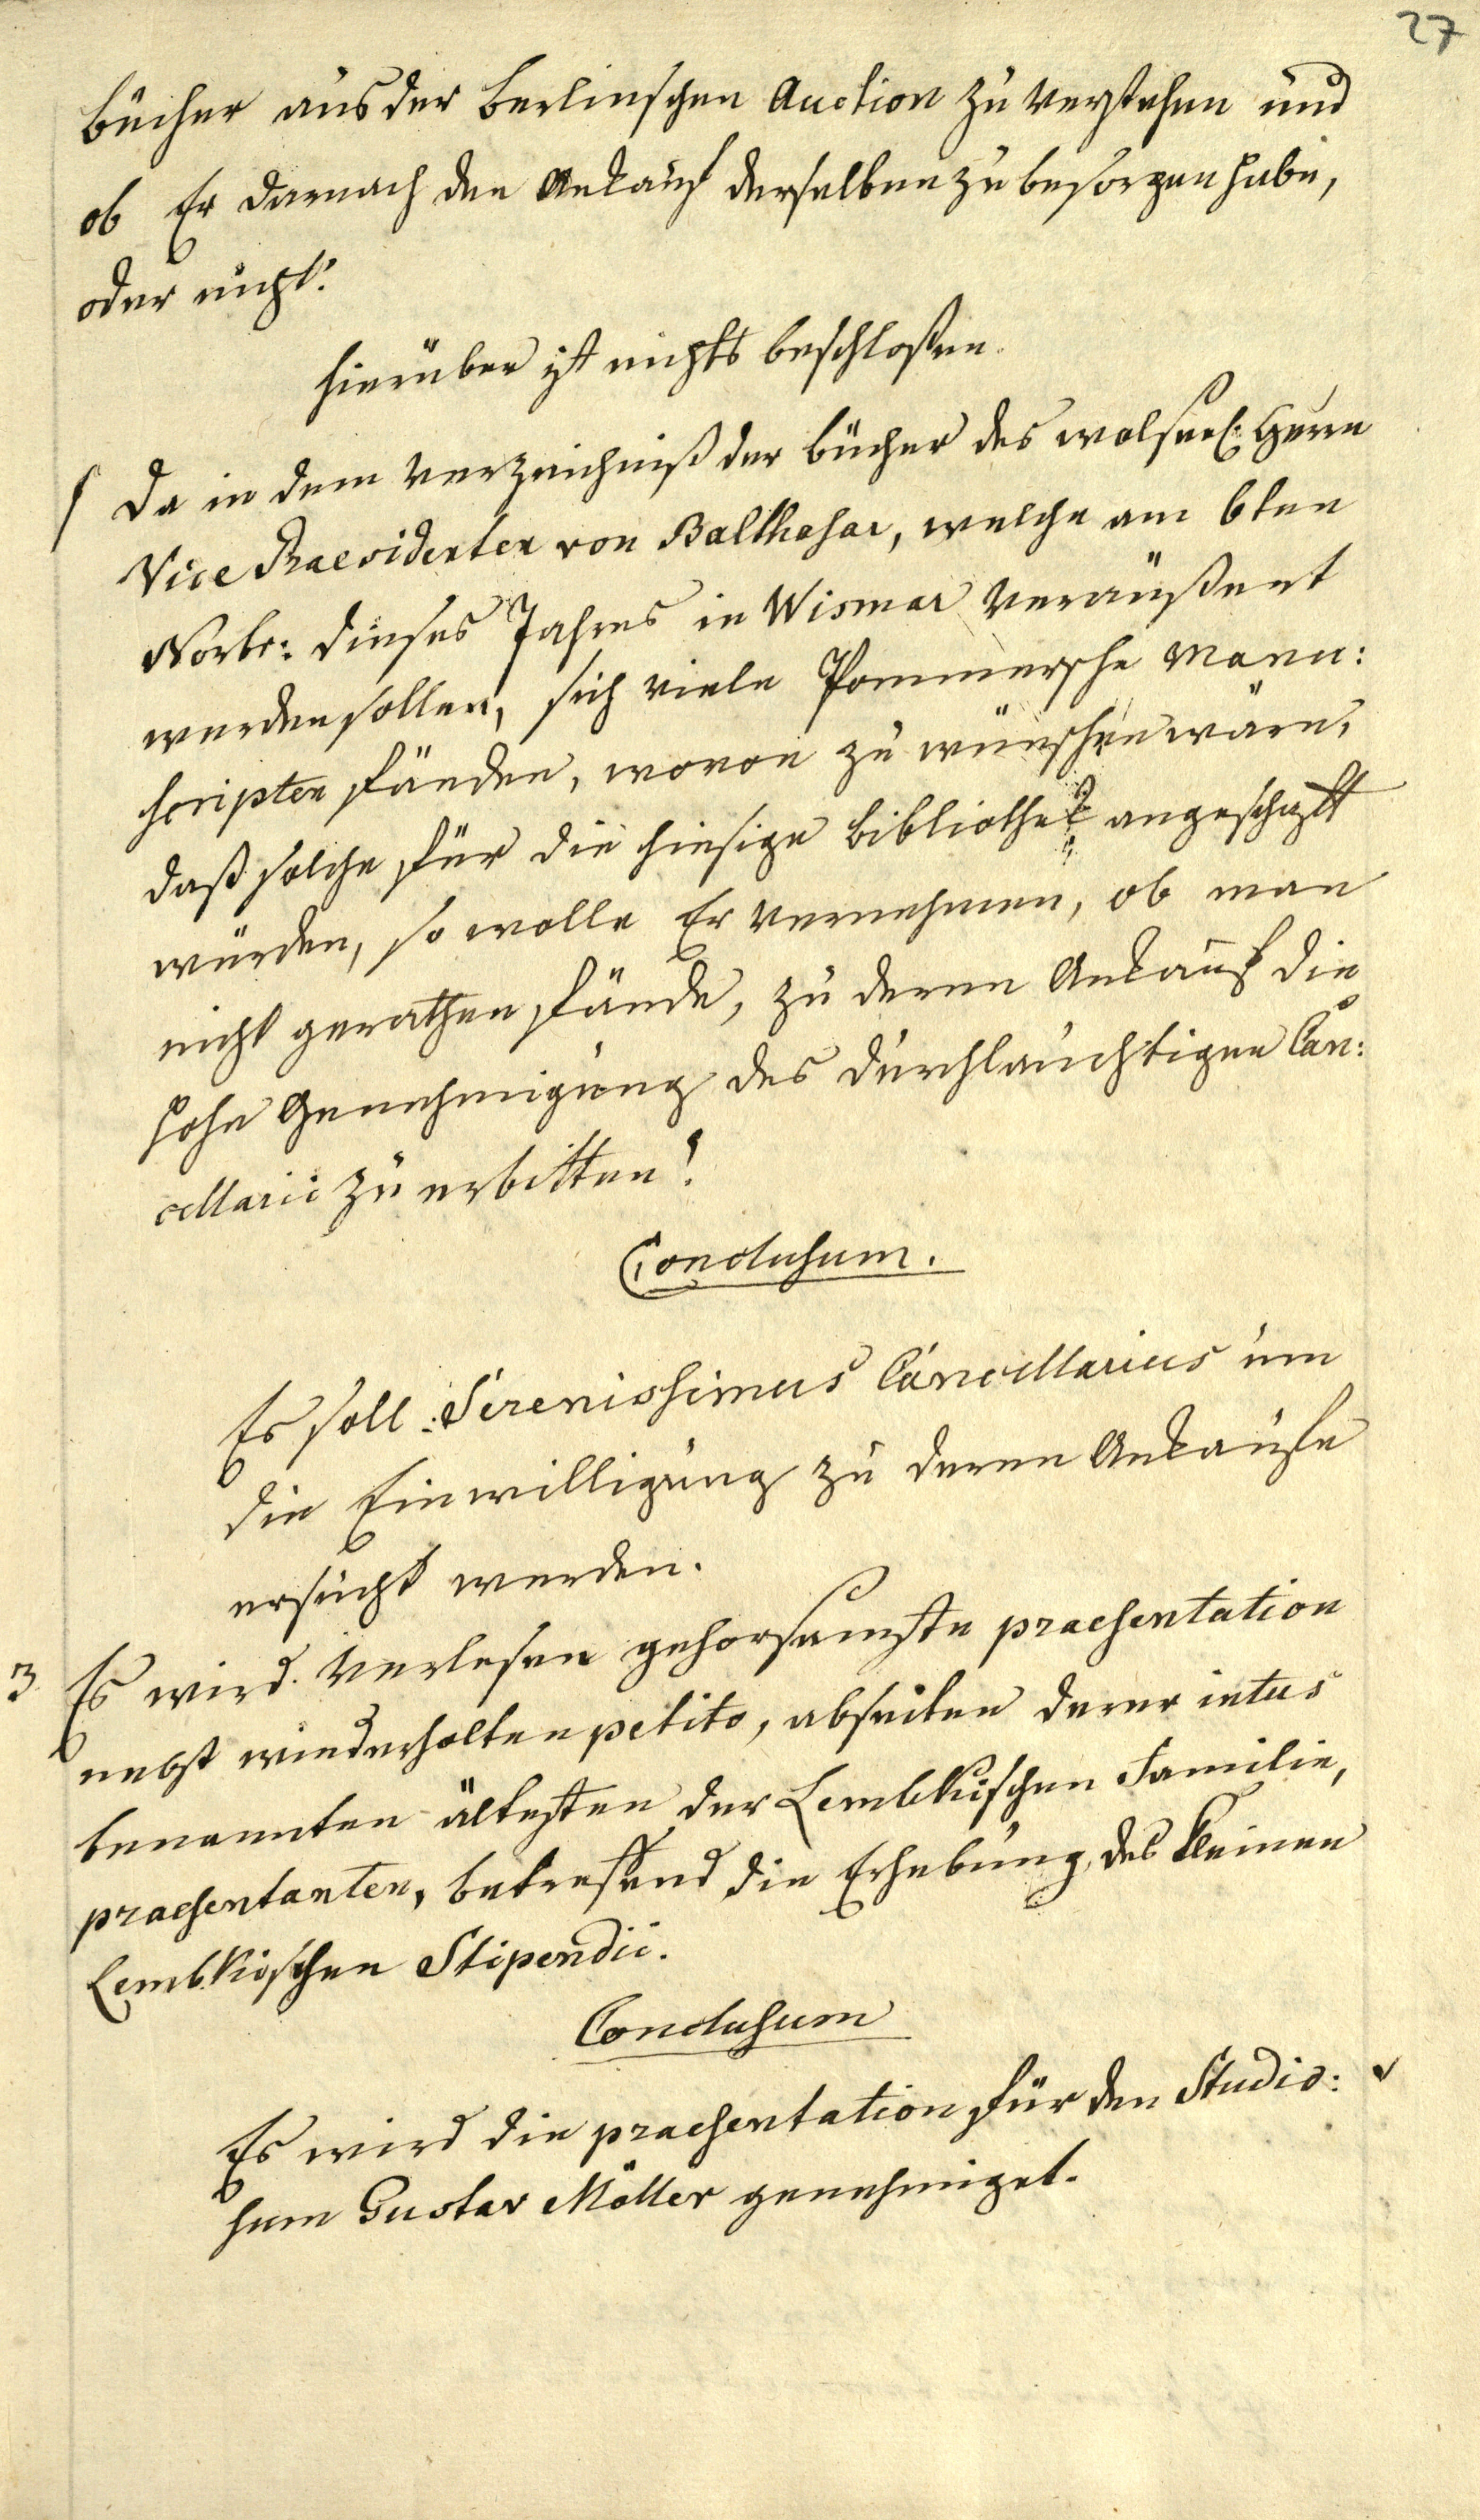Bücher aus der Berlinschen Auction zu verstehen und
ob Er darnach den Ankauf derselben zu besorgen habe,
oder nicht?
hierüber ist nichts beschloßen.
f da in dem Verzeichniß der Bücher des wolseel. Herrn
Vice Praesidenten von Balthasar, welche am 6ten
Novbr. dieses Jahres in Wismar veräußert
den sollen, sich viele Pommersche Manu¬
scripten fänden, wovon zu wünschen wäre,
daß solche für die hiesigen Bibliothek angeschaft
würden, so wolle Er vernehmen, ob man
nicht gerathen fände, zu deren Ankauf die
hohe Genehmigung des durchlauchtigen Can¬
cellarii zu erbitten?
Conclusum
Es soll Serenissimus Cancellarius um
die Einwilligung zu deren Ankauf
ersucht werden.
3. Es wird. verlesen gehorsamste praesentation
nebst wiederholte petito, abseiten derer intus
benannten ältesten der Lembkischen Familie,
praesentanten, betreffend die Erhebung des kleinen
Lembkischen Stipendii.
Conclusum
Es wird die praesentation für den Studio¬
sum Gustav Möller genehmiget.